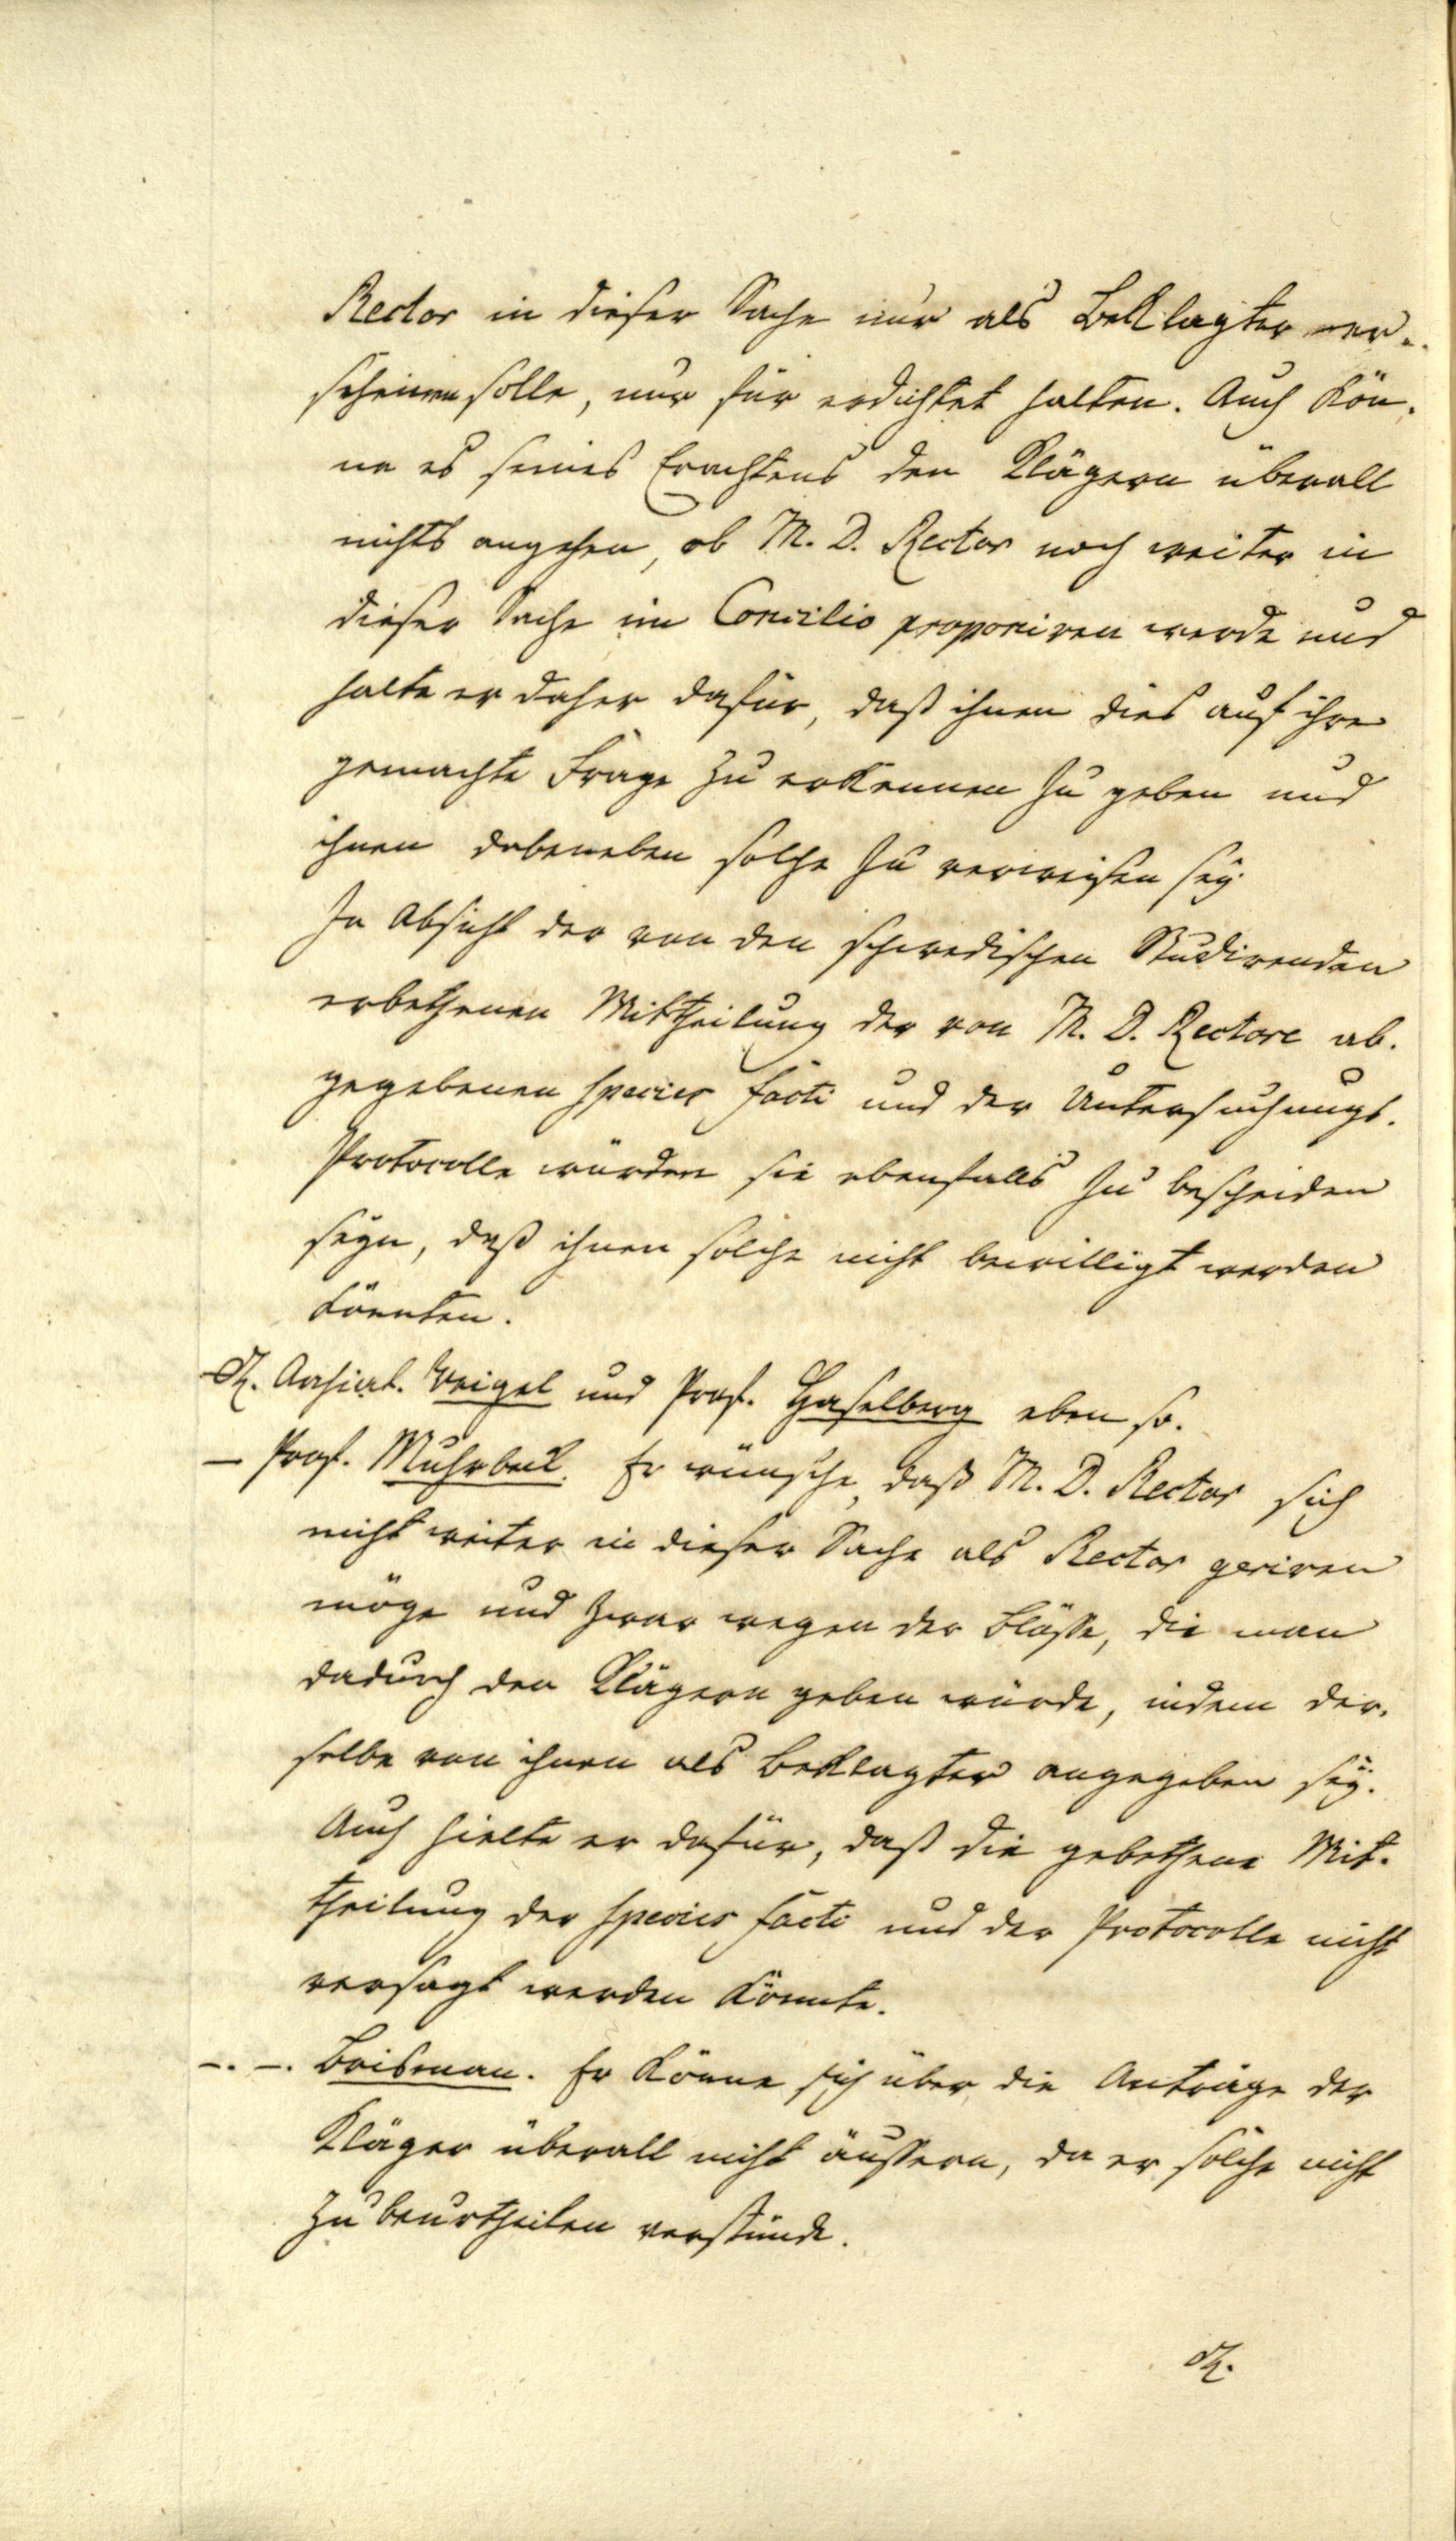Rector in dieser Sache nur als Beklagter er¬
scheinen solle, nur für erdichtet halten. Auch kön¬
ne es seines Erachtens den Klägern überall
nichts angehen, ob M. D. Rector noch weiter in
dieser Sache im Concilio proponiren werde und
halte er daher dafür daß ihnen dies auf ihre
gemachte Frage zu erkennen zu geben und
ihnen dabeneben solche zu verweisen seÿ.
In Absicht der von den schwedischen Studirenden
erbethenen Mittheilung der von M. D. Rectore ab¬
gegebenen species facti und der Untersuchungs¬
Protocolle würden sie ebenfalls zu bescheiden
seÿn, daß ihnen solche nicht bewilligt werden
könnten.
dh. Archiat. Weigel und Prof. Haselberg eben so.
Prof. Muhrbeck. Er wünsche, daß M. D. Rector sich
nicht weiter in dieser Sache als Rector geriren
möge und zwar wegen der Blösse, die man
dadurch den Klägern geben würde, indem der¬
selbe von ihnen als Beklagter angegeben seÿ.
Auch hielte er dafür, daß die gebethene Mit¬
theilung der species facti und der Protocolle nicht
versagt werden könnte.
Brisman. Er könne sich über die Anträge der
Kläger überall nicht äussern, da er solche nicht
zu beurtheilen verstünde.
dh.